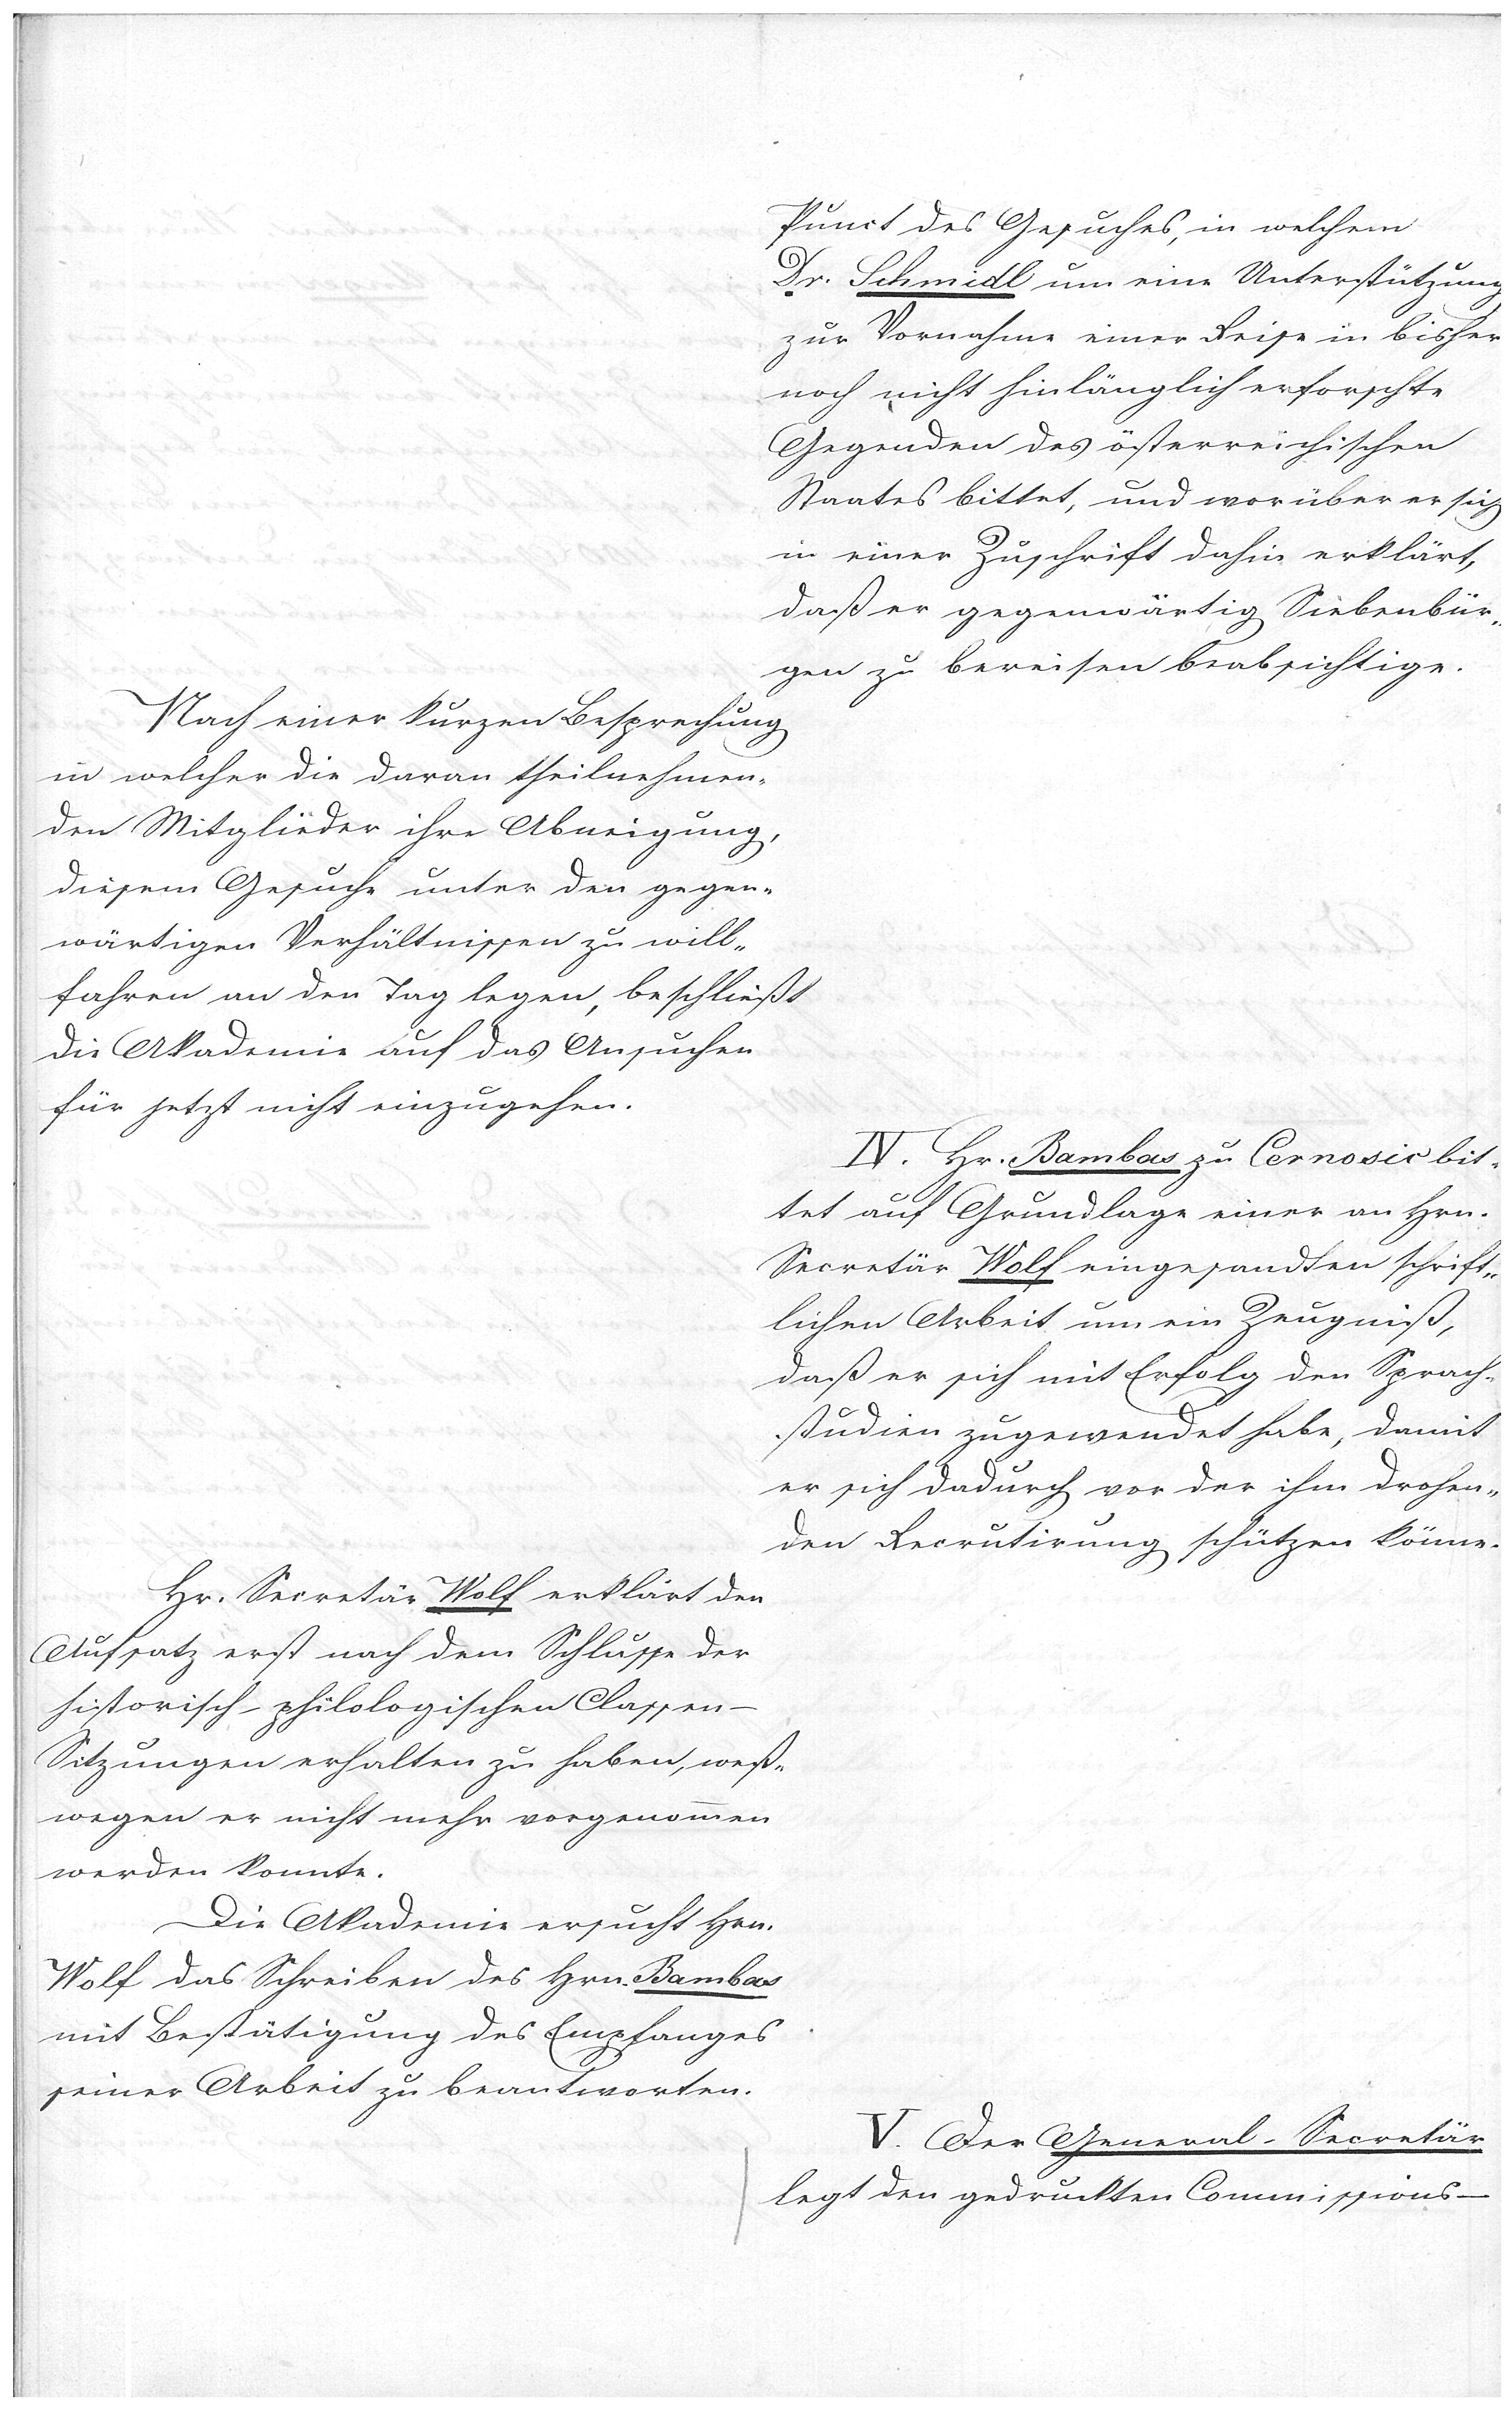Punct des Gesuches, in welchem
Dr. Schmidl um eine Unterstützung
zur Vornahme einer Reise in bisher
noch nicht hinlänglich erforschte
Gegenden des österreichischen
Staates bittet, und worüber er sich
in einer Zuschrift dahin erklärt,
daß er gegenwärtig Siebenbür-
gen zu bereisen beabsichtige.
Nach einer kurzen Besprechung
in welcher die daran theilnehmen-
den Mitglieder ihre Abneigung,
diesem Gesuche unter den gegen-
wärtigen Verhältnissen zu will-
fahren an der Tag legen, beschließt
die Akademie auf des Ansuchen
für jetzt nicht einzugehen.
IV. Hr. Bambas zu Carnosic bit-
tet auf Grundlage einer an Hrn.
Secretär Wolf eingesandten schrift-
lichen Arbeit um ein Zeugniß,
daß er sich mit Erfolg den Sprach-
studien zugewendet habe, damit
er sich dadurch vor der ihm drohen-
den Recrutirung schützen könne.
Hr. Secretär Wolf erklärt den
Aufsatz erst nach dem Schlusse der
historisch-philologischen Classen-
Sitzungen erhalten zu haben, weß-
wegen er nicht mehr vorgenommen
werden konnte.
Die Akademie ersucht Hrn.
Wolf das Schreiben des Hrn. Bambas
mit Bestätigung des Empfanges
seiner Arbeit zu beantworten.
V. Der General-Secretär
legt den gedruckten Commissions-